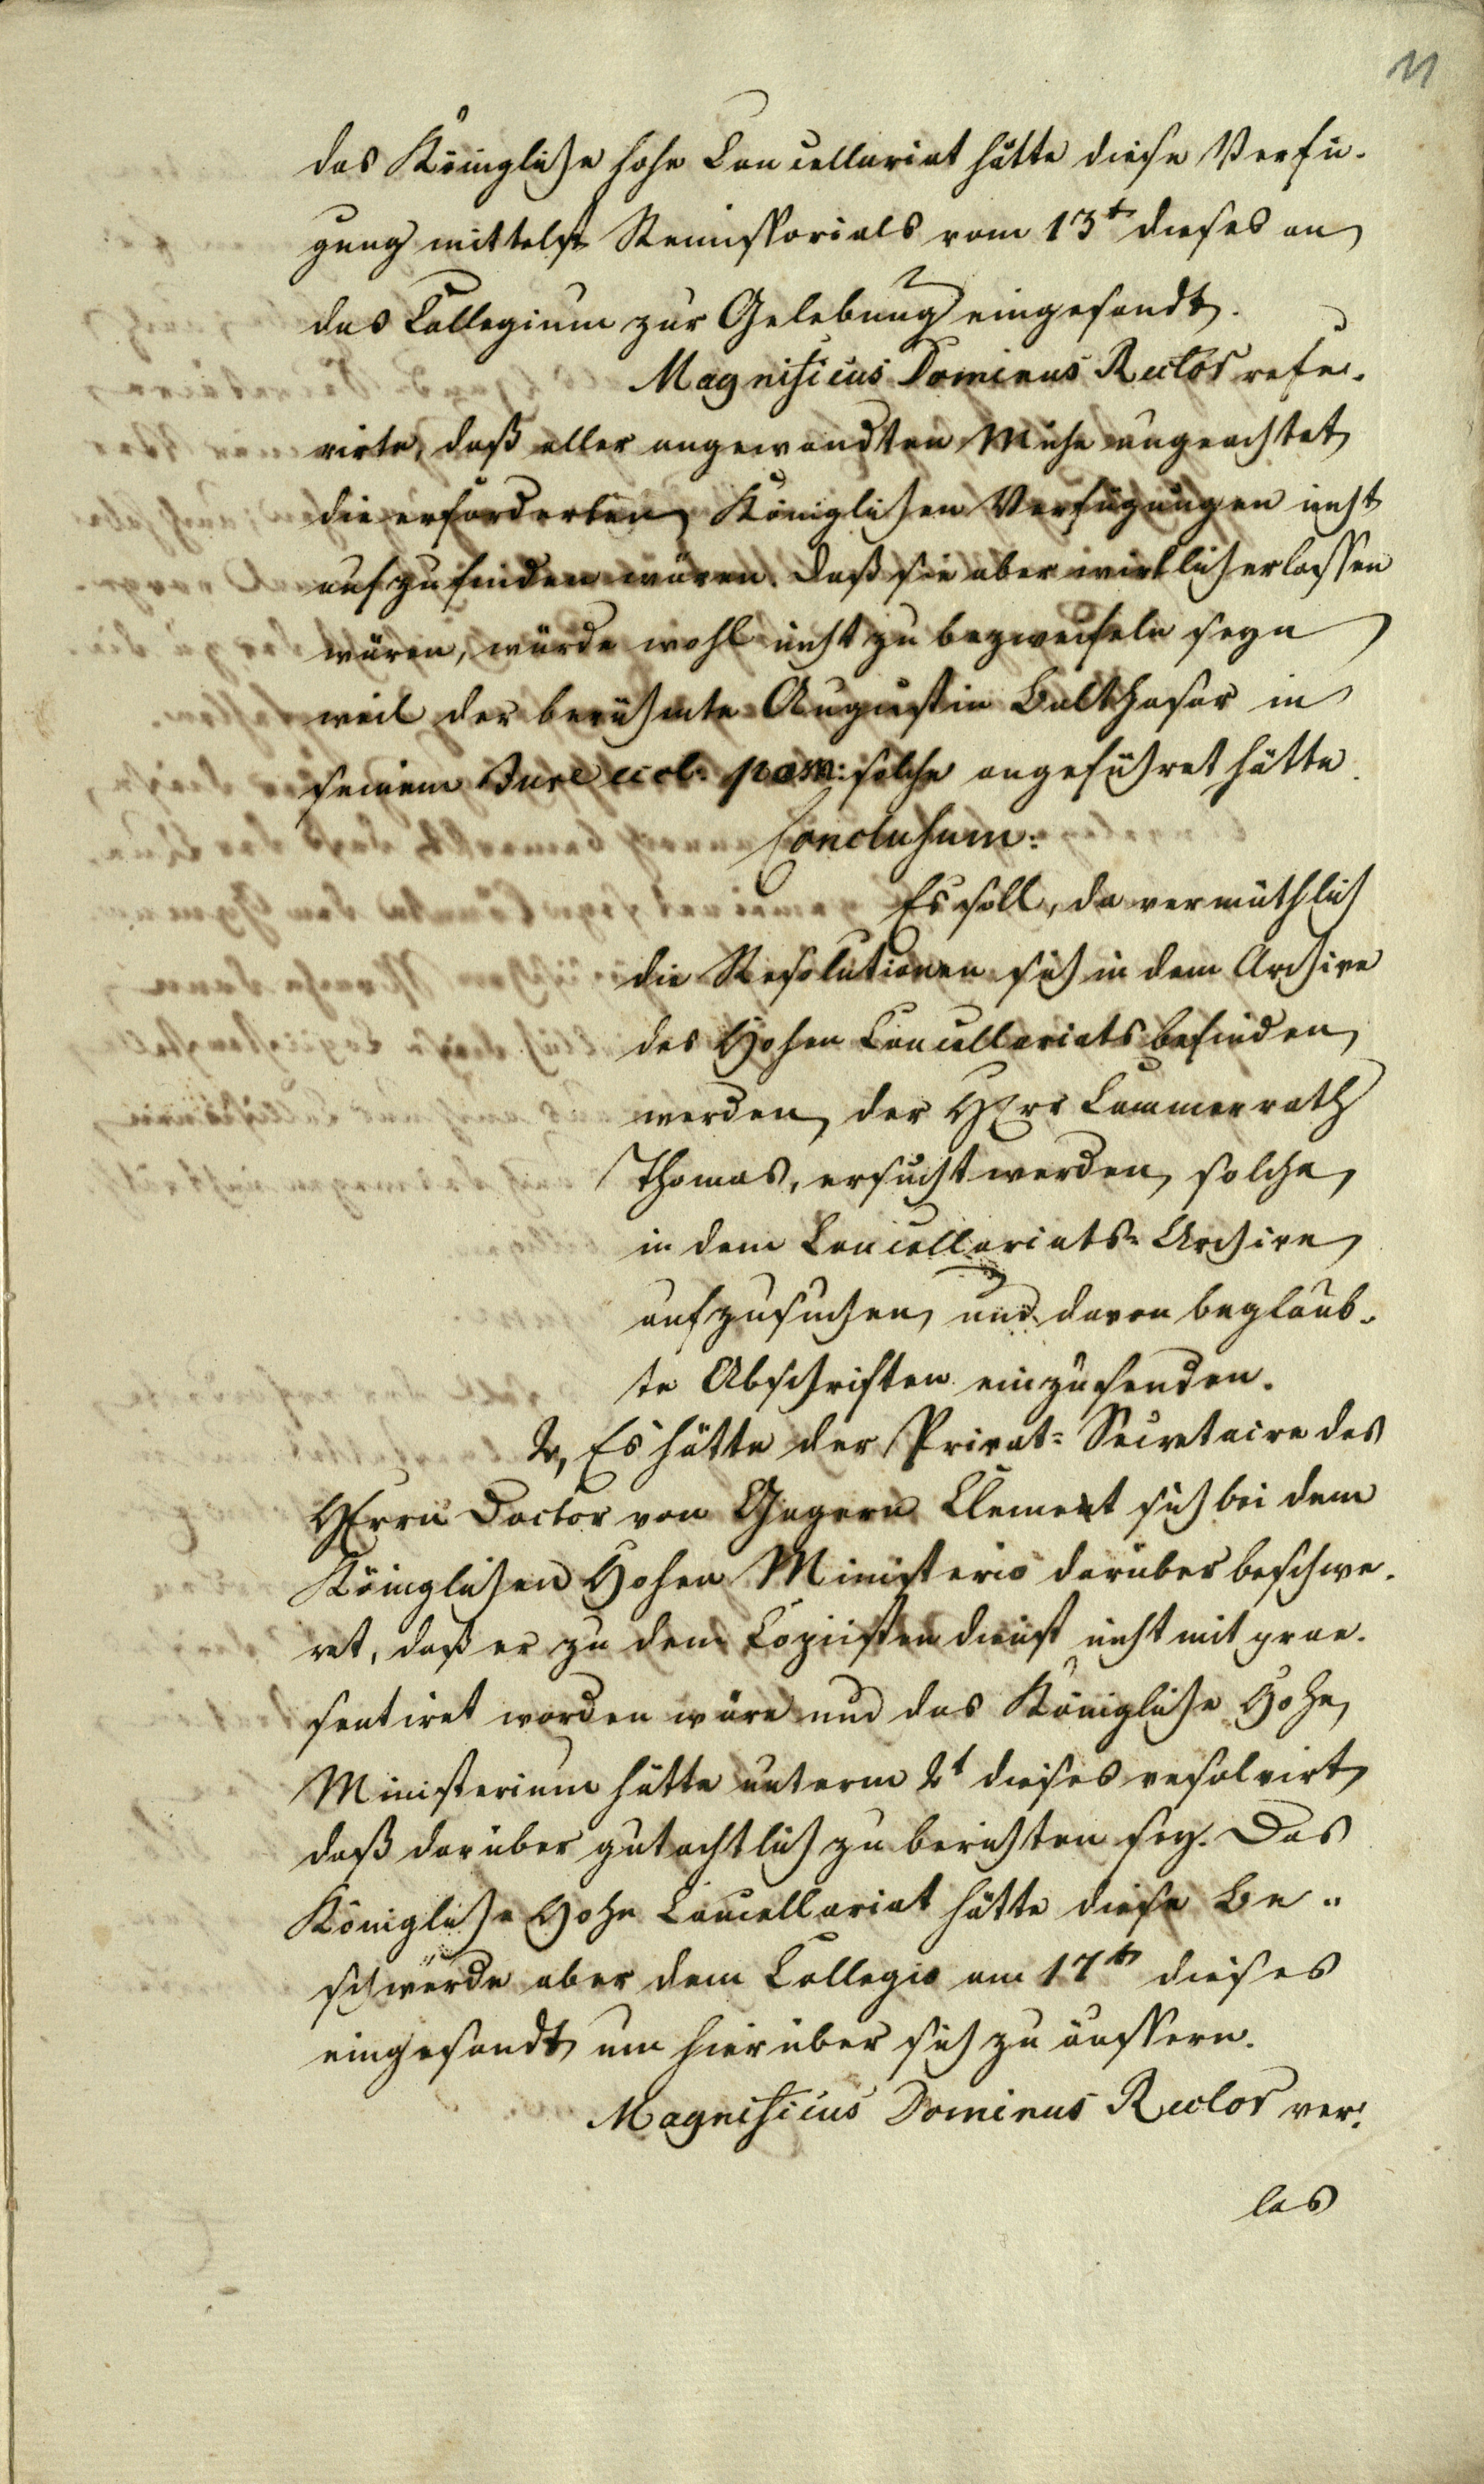das Köngliche hohe Cancellariat hätte diese Verfü¬
gung mittelst Remissorials vom 13 ten dieses an
das Collegium zur Gelebung eingesandt.
Magnificus Dominus Rector refe¬
rirte, daß aller angewandten Mühe ungeachtet
die erforderten, Königlichen Verfügungen nicht
aufzufinden wären. Daß sie aber wirklich erlassen
wären, würde wohl nicht zu bezweifeln seyn,
weil der berühmte Augustin Balthasar in
seinem Jure eccl. pom: solche angeführet hätte.
Conclusum:
Es soll, da vermuthlich
die Resolutionen sich in dem Archive
des Hohen Cancellariats befinden
werden, der Herr Cammerrath
Thomas, ersucht werden, solche
in dem Cancellariats- Archive
aufzusuchen, und davon beglaub¬
te Abschriften einzusenden.
2., Es hätte der Privat Secretaire des
Herrn Doctor von Gagern Clemet sich bei dem
Königlichen Hohen Ministerio darüber beschwe¬
ret, daß er zu dem Copiistedienst der nicht mit prae¬
sentiret worden wäre und das Königliche Hohe
Ministerium hätte unterm 2 t dieses vesolvirt,
daß darüber gutachtlich zu berichten sey. Das
Königliche Hohe Cancellariat hätte diese Be¬
schwerde aber dem Collegio am 17 t dieses
eingesandt, um hierüber sich zu äussern.
Magnificus Dominus Rector ver¬
las